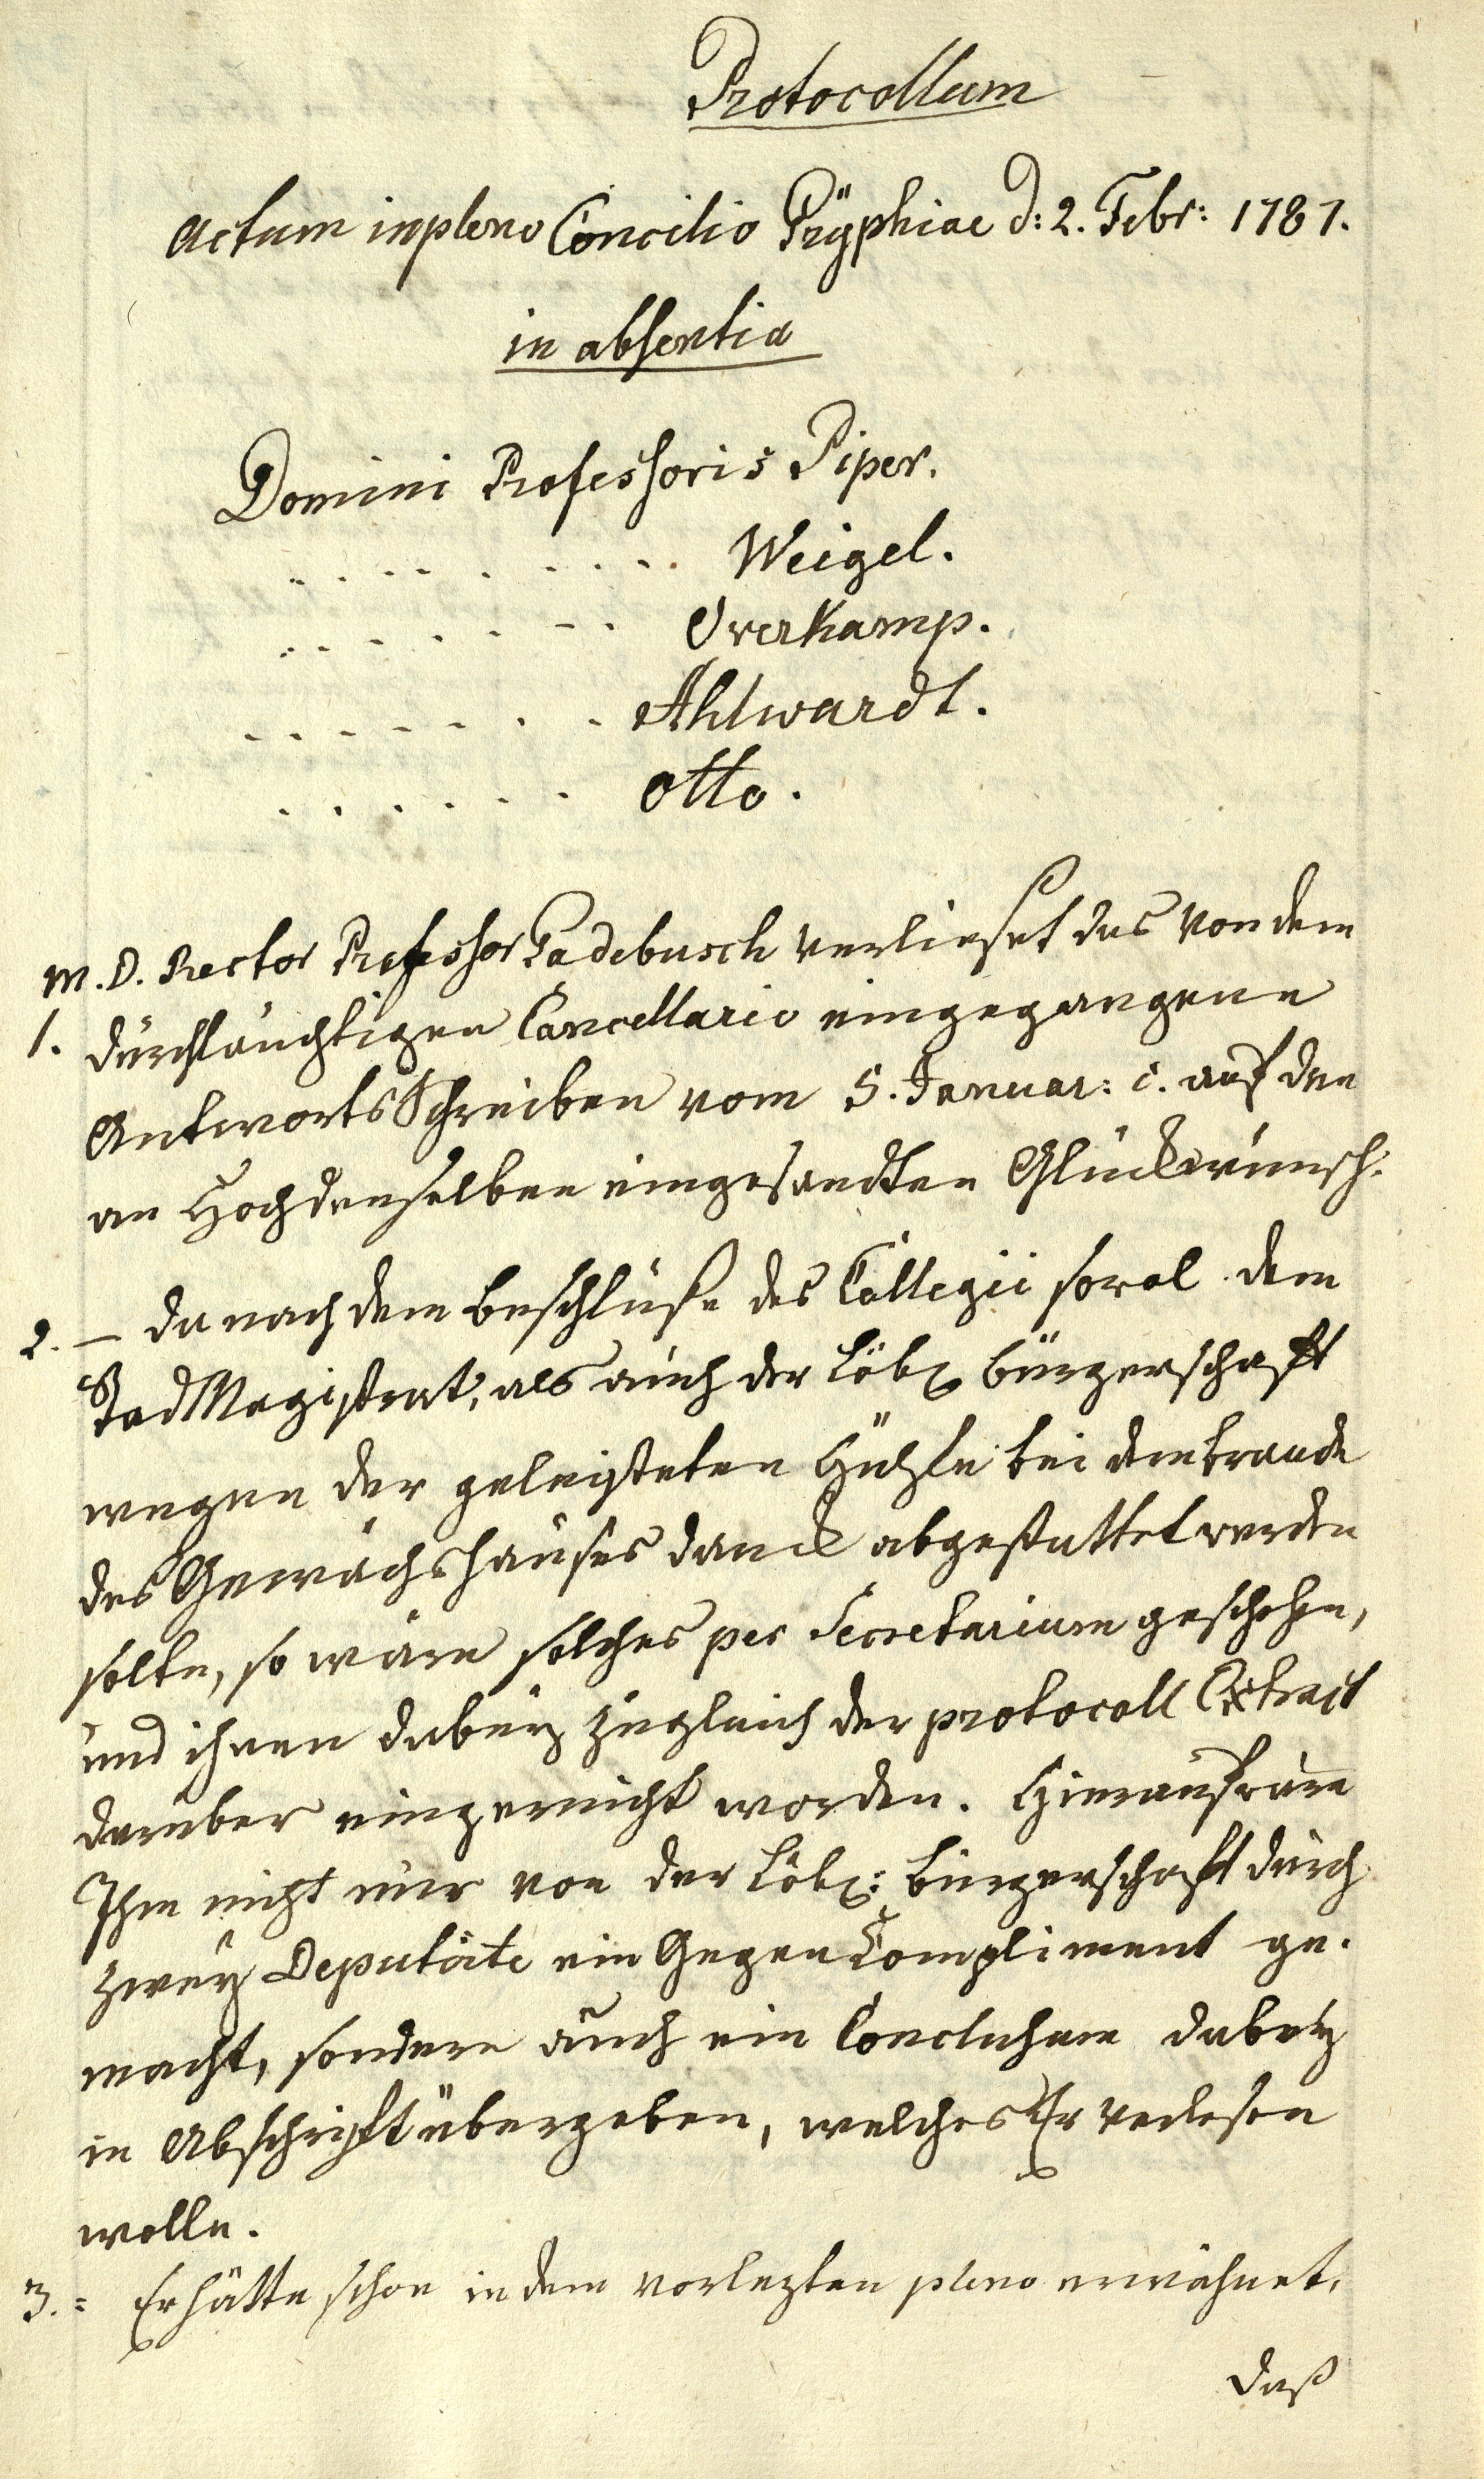Protocollum
Actum in pleno Concilio Grÿphiae d 2. Febr. 1787.
in absentia
Domini Professoris Piper.
Weigel.
Overkamp.
Ahlwardt.
Otto.
M. D. Rector Professor Gadebusch verlieset das von dem
1. Durchlauchtigen Cancellario eingegangene
Antworts Schreiben vom 5. Januar c. auf den
an Hochdenselben eingesandten Glückwunsch.
2. Da nach dem Beschluß des Collegii sowol dem
StadMagistrat, als auch der Löbl. Bürgerschaft
wegen der geleisteten Hülfe bei dem Brande
des Gewächshauses danck abgestattet werden
solte, so wäre solches per Secretarium geschehen,
und ihnen dabeÿ zugleich der protocoll Extract
darüber eingereicht worden. Hierauf wäre
Ihm nicht nur von der Löb. Bürgerschaft durch
zweÿ Deputirte ein GegenCompliment ge¬
macht, sondern auch ein Conclusum dabeÿ
in Abschrift übergeben, welches Er verlesen
wolle.
3. Er hätte schon in dem vorlezten pleno erwähnet,
daß